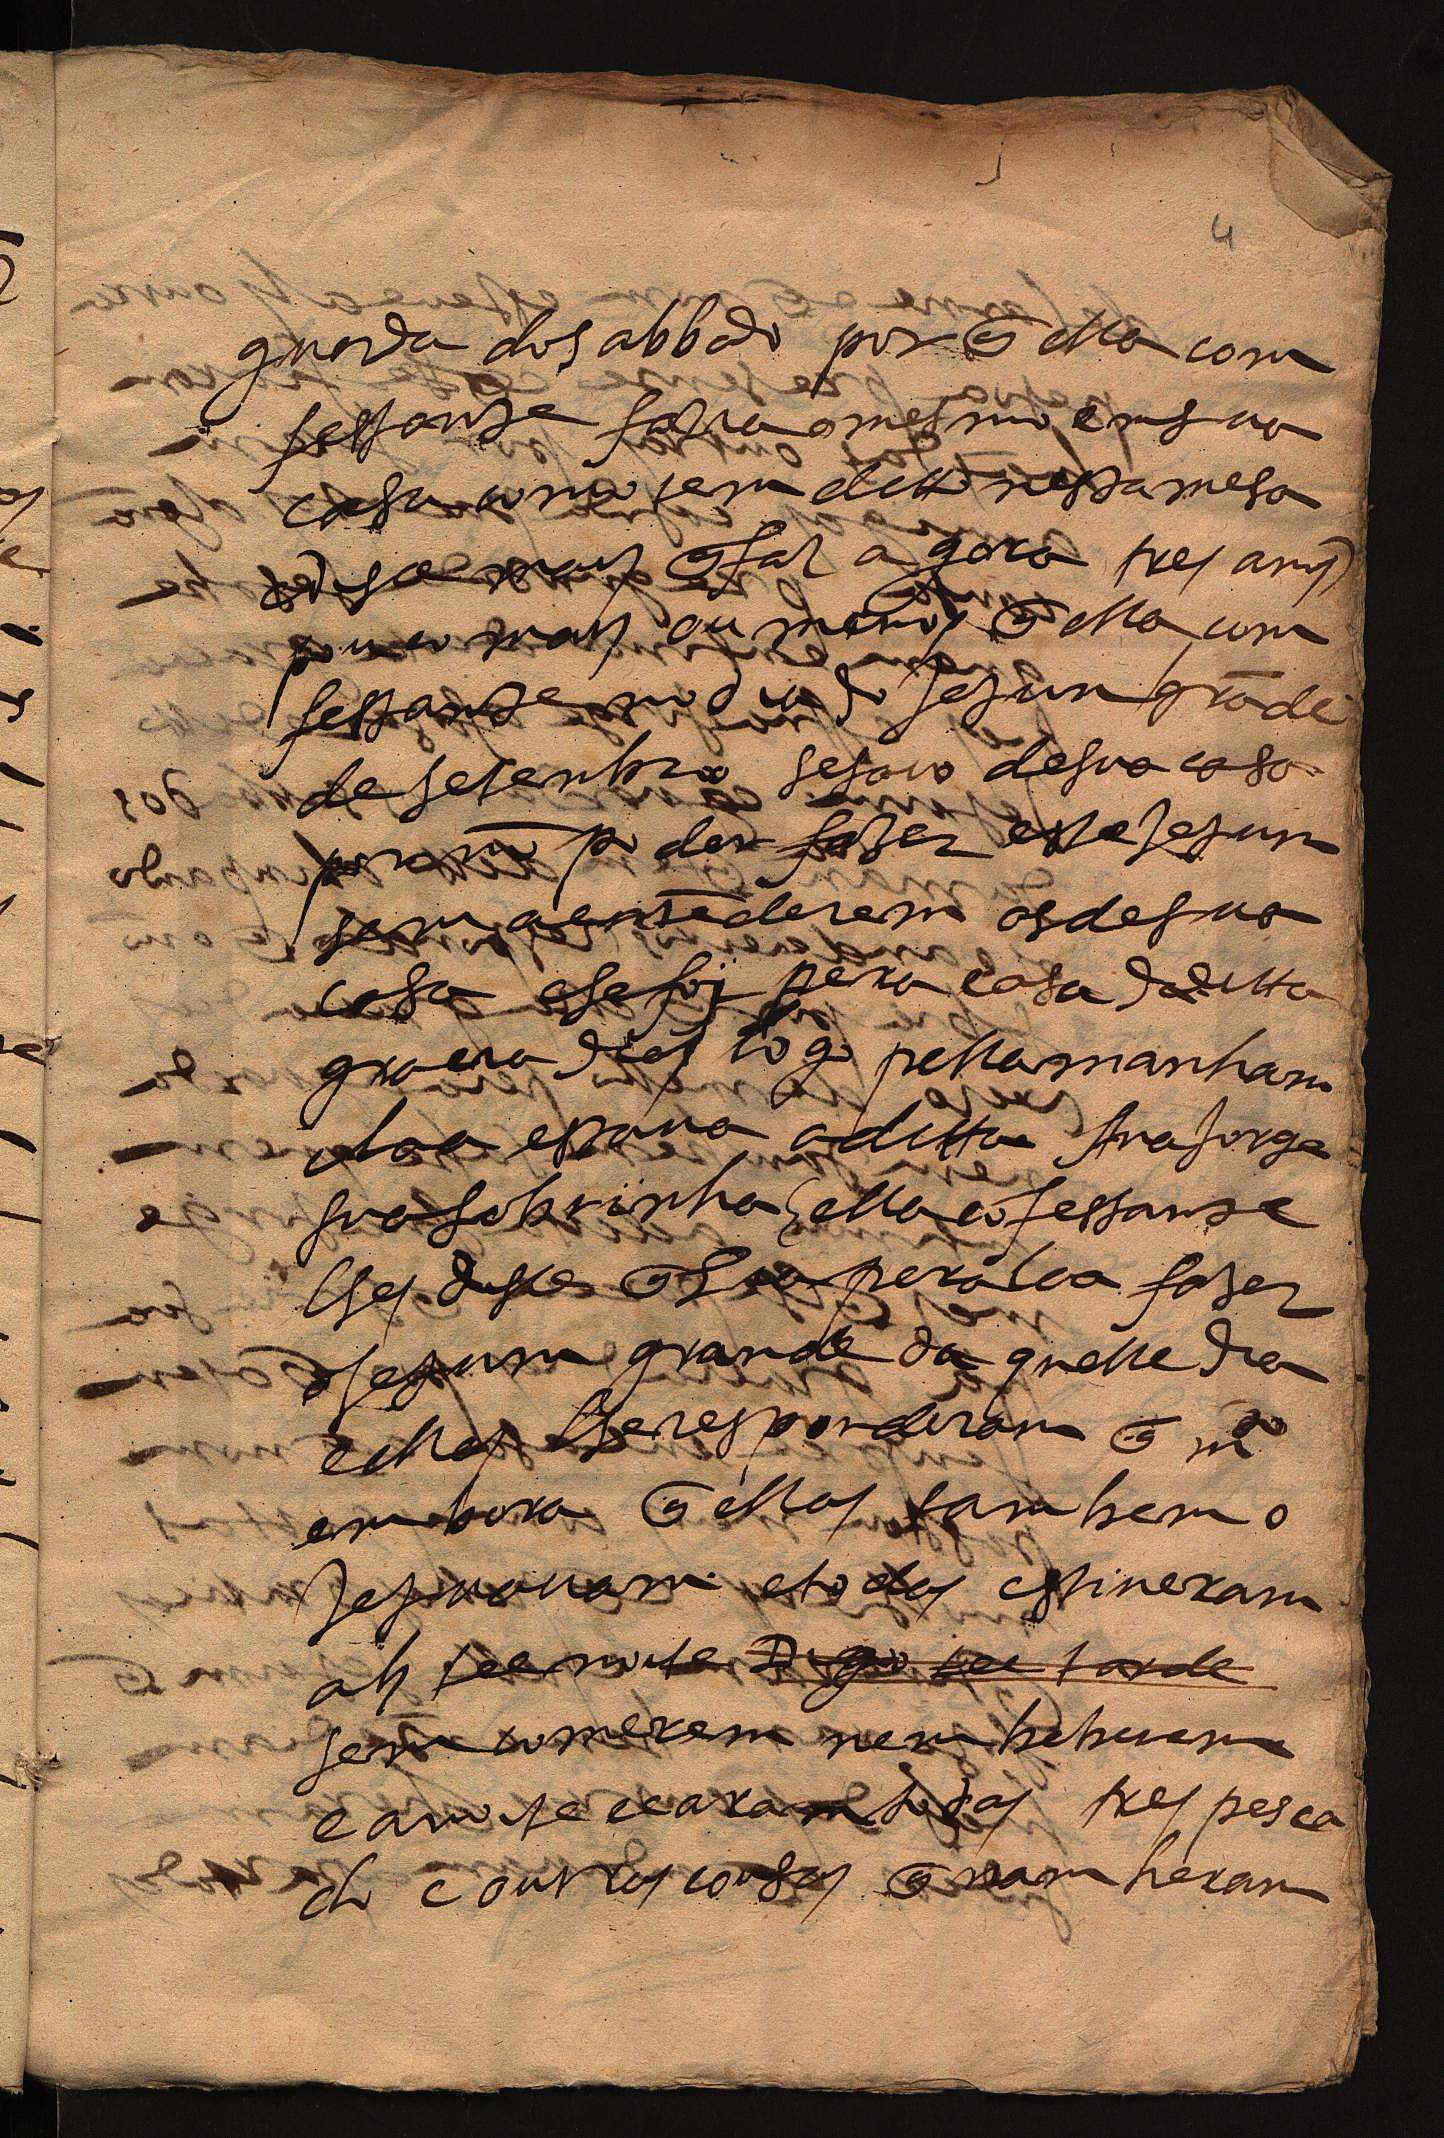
guarda do sabbado porq̄ ella com
fessante fazia o mesmo em sua
casa como tem ditto nesta mesa
e disse mais q̄ faz agora tres a anos̄
pouco mais ou menos q̄ ella com
fessante no dia do Jejum grāde
de setenbro se saio de sua casa
por nō poder fazer este Jejum
sem a entēderem os de sua
casa e se foj pera casa da ditta
gracia dias logo pella manham
e laa estaua a ditta Ana Jorge
sua sobrinha E ella cōfessante
lhes disse q̄ Era pera laa fazer
o jejum grande daquelle dia
e ellas lhe responderam q̄ mto
embora q̄ ellas tambem o
Jejuauam e todas estiueram
alj tee noite Digo tee tarde
sem comerem nem beberem
e a noite cearam todas tres pesca
do ē outras cousas q̄ nam heram
